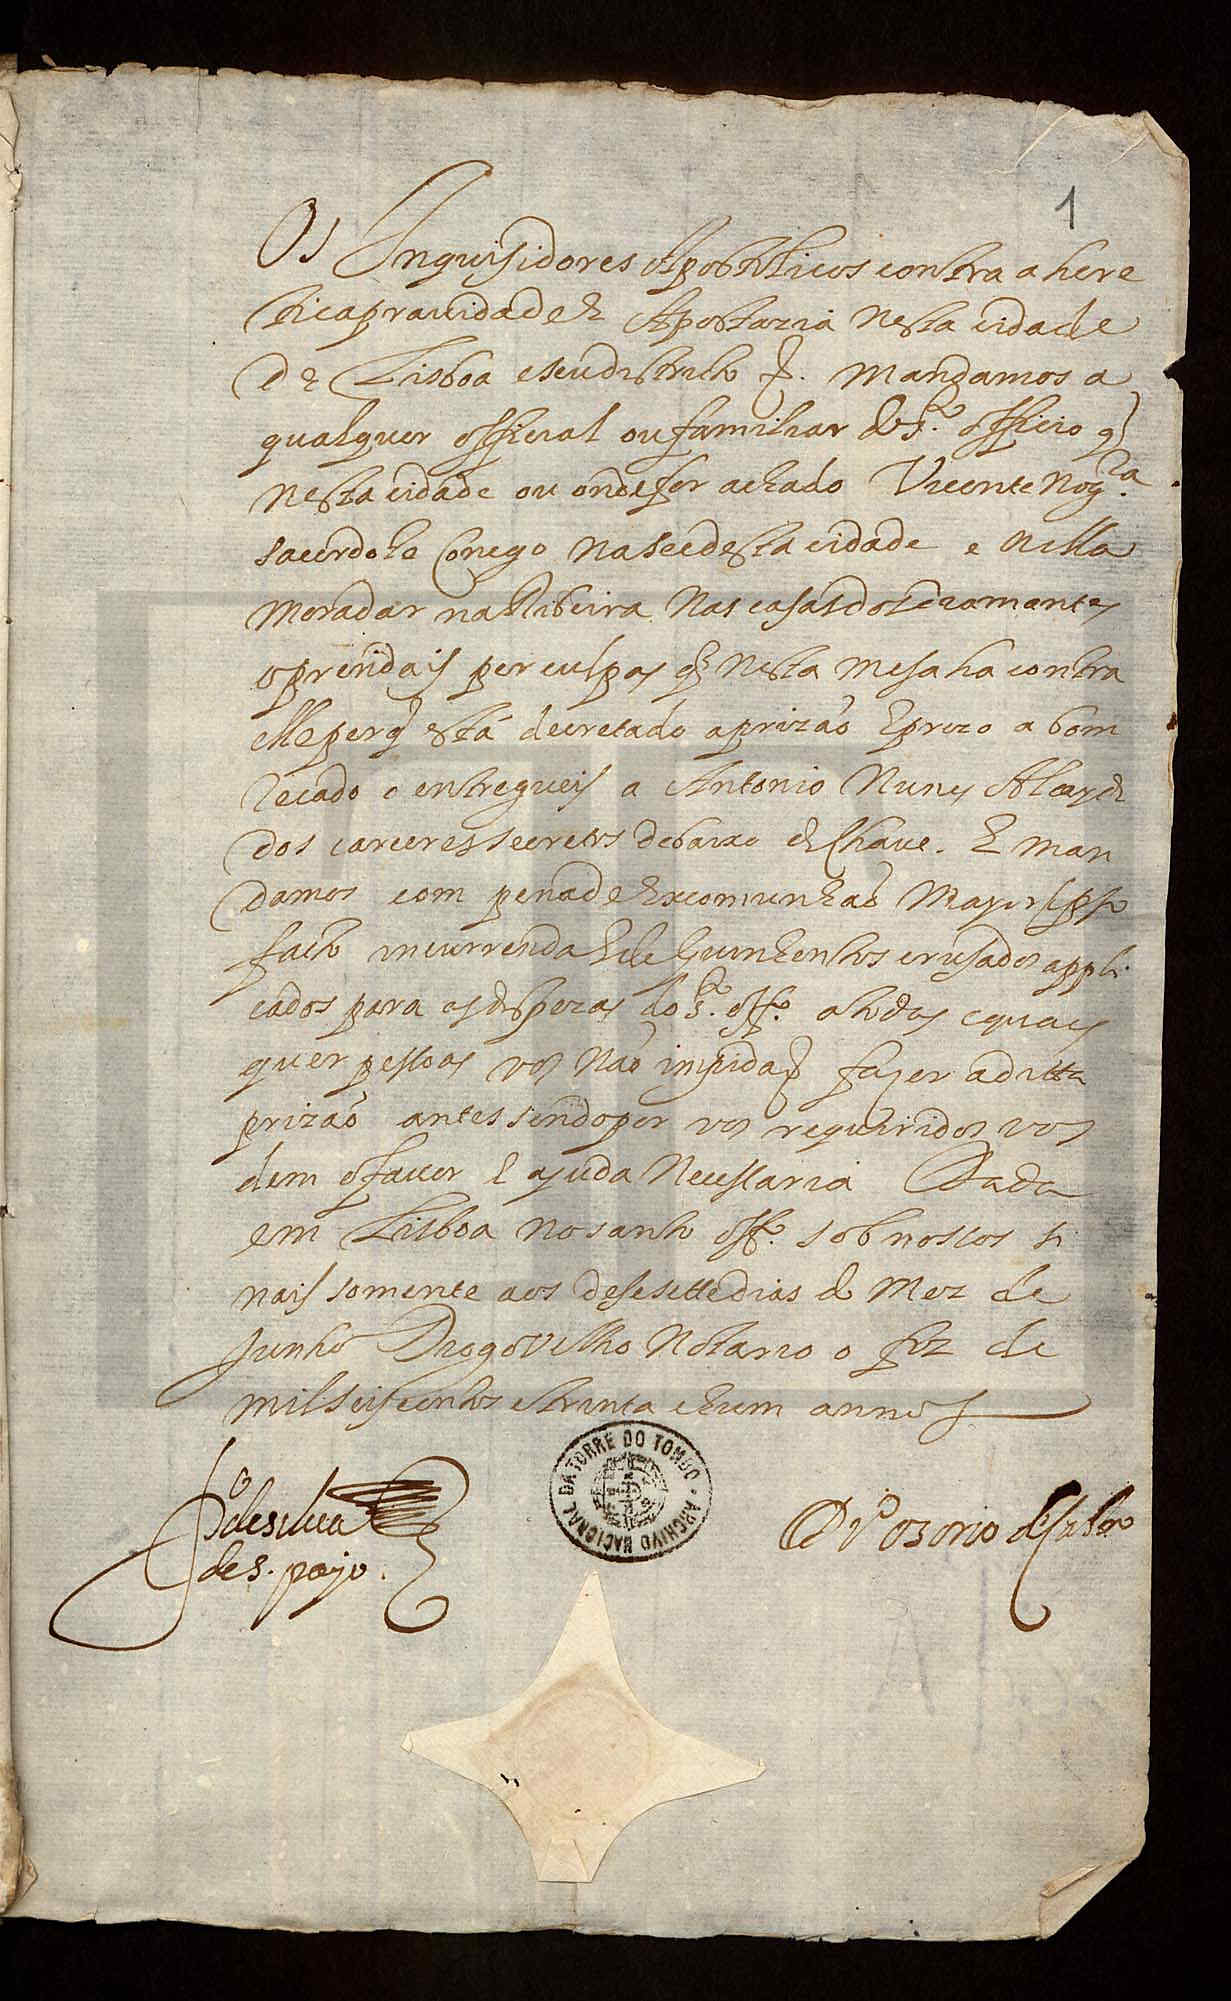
Os Inquisidores Apostolicos contra a here
tica prauidade e Apostazia nesta cidade
de Lisboa e seu districto &. mandamos a
qualquer official ou familiar do s.to officio q̄
nesta cidade ou onde for achado Vicente Nog.ra
sacerdote Conego na see desta cidade e nella
morador na Ribeira nas casas dos diamantes
o prendais per culpas que nesta mesa ha contra
elle per quem está decretado a prizaõ E prezo a bom
recado o entregueis a Antonio Nunes Alcayde
dos carceres secretos debaixo de Chave. E man
damos com pena de Excomunhaõ mayor Ipso
facto maior renda E de quinhentos crusados appli
cados para as despesas do s.to off.o a todas e quaes
quer pessoas vos naõ impidaõ fazer a ditta
prizaõ antes sendo per vos requeridos vos
dem o fauor e ajuda necessaria. Dada
em Lisboa no santo off.o sob nossos si
nais somente aos desesette dias do mez de
Junho Diogo velho notario o fez de
mil seiscentos e trinta e hum annos
